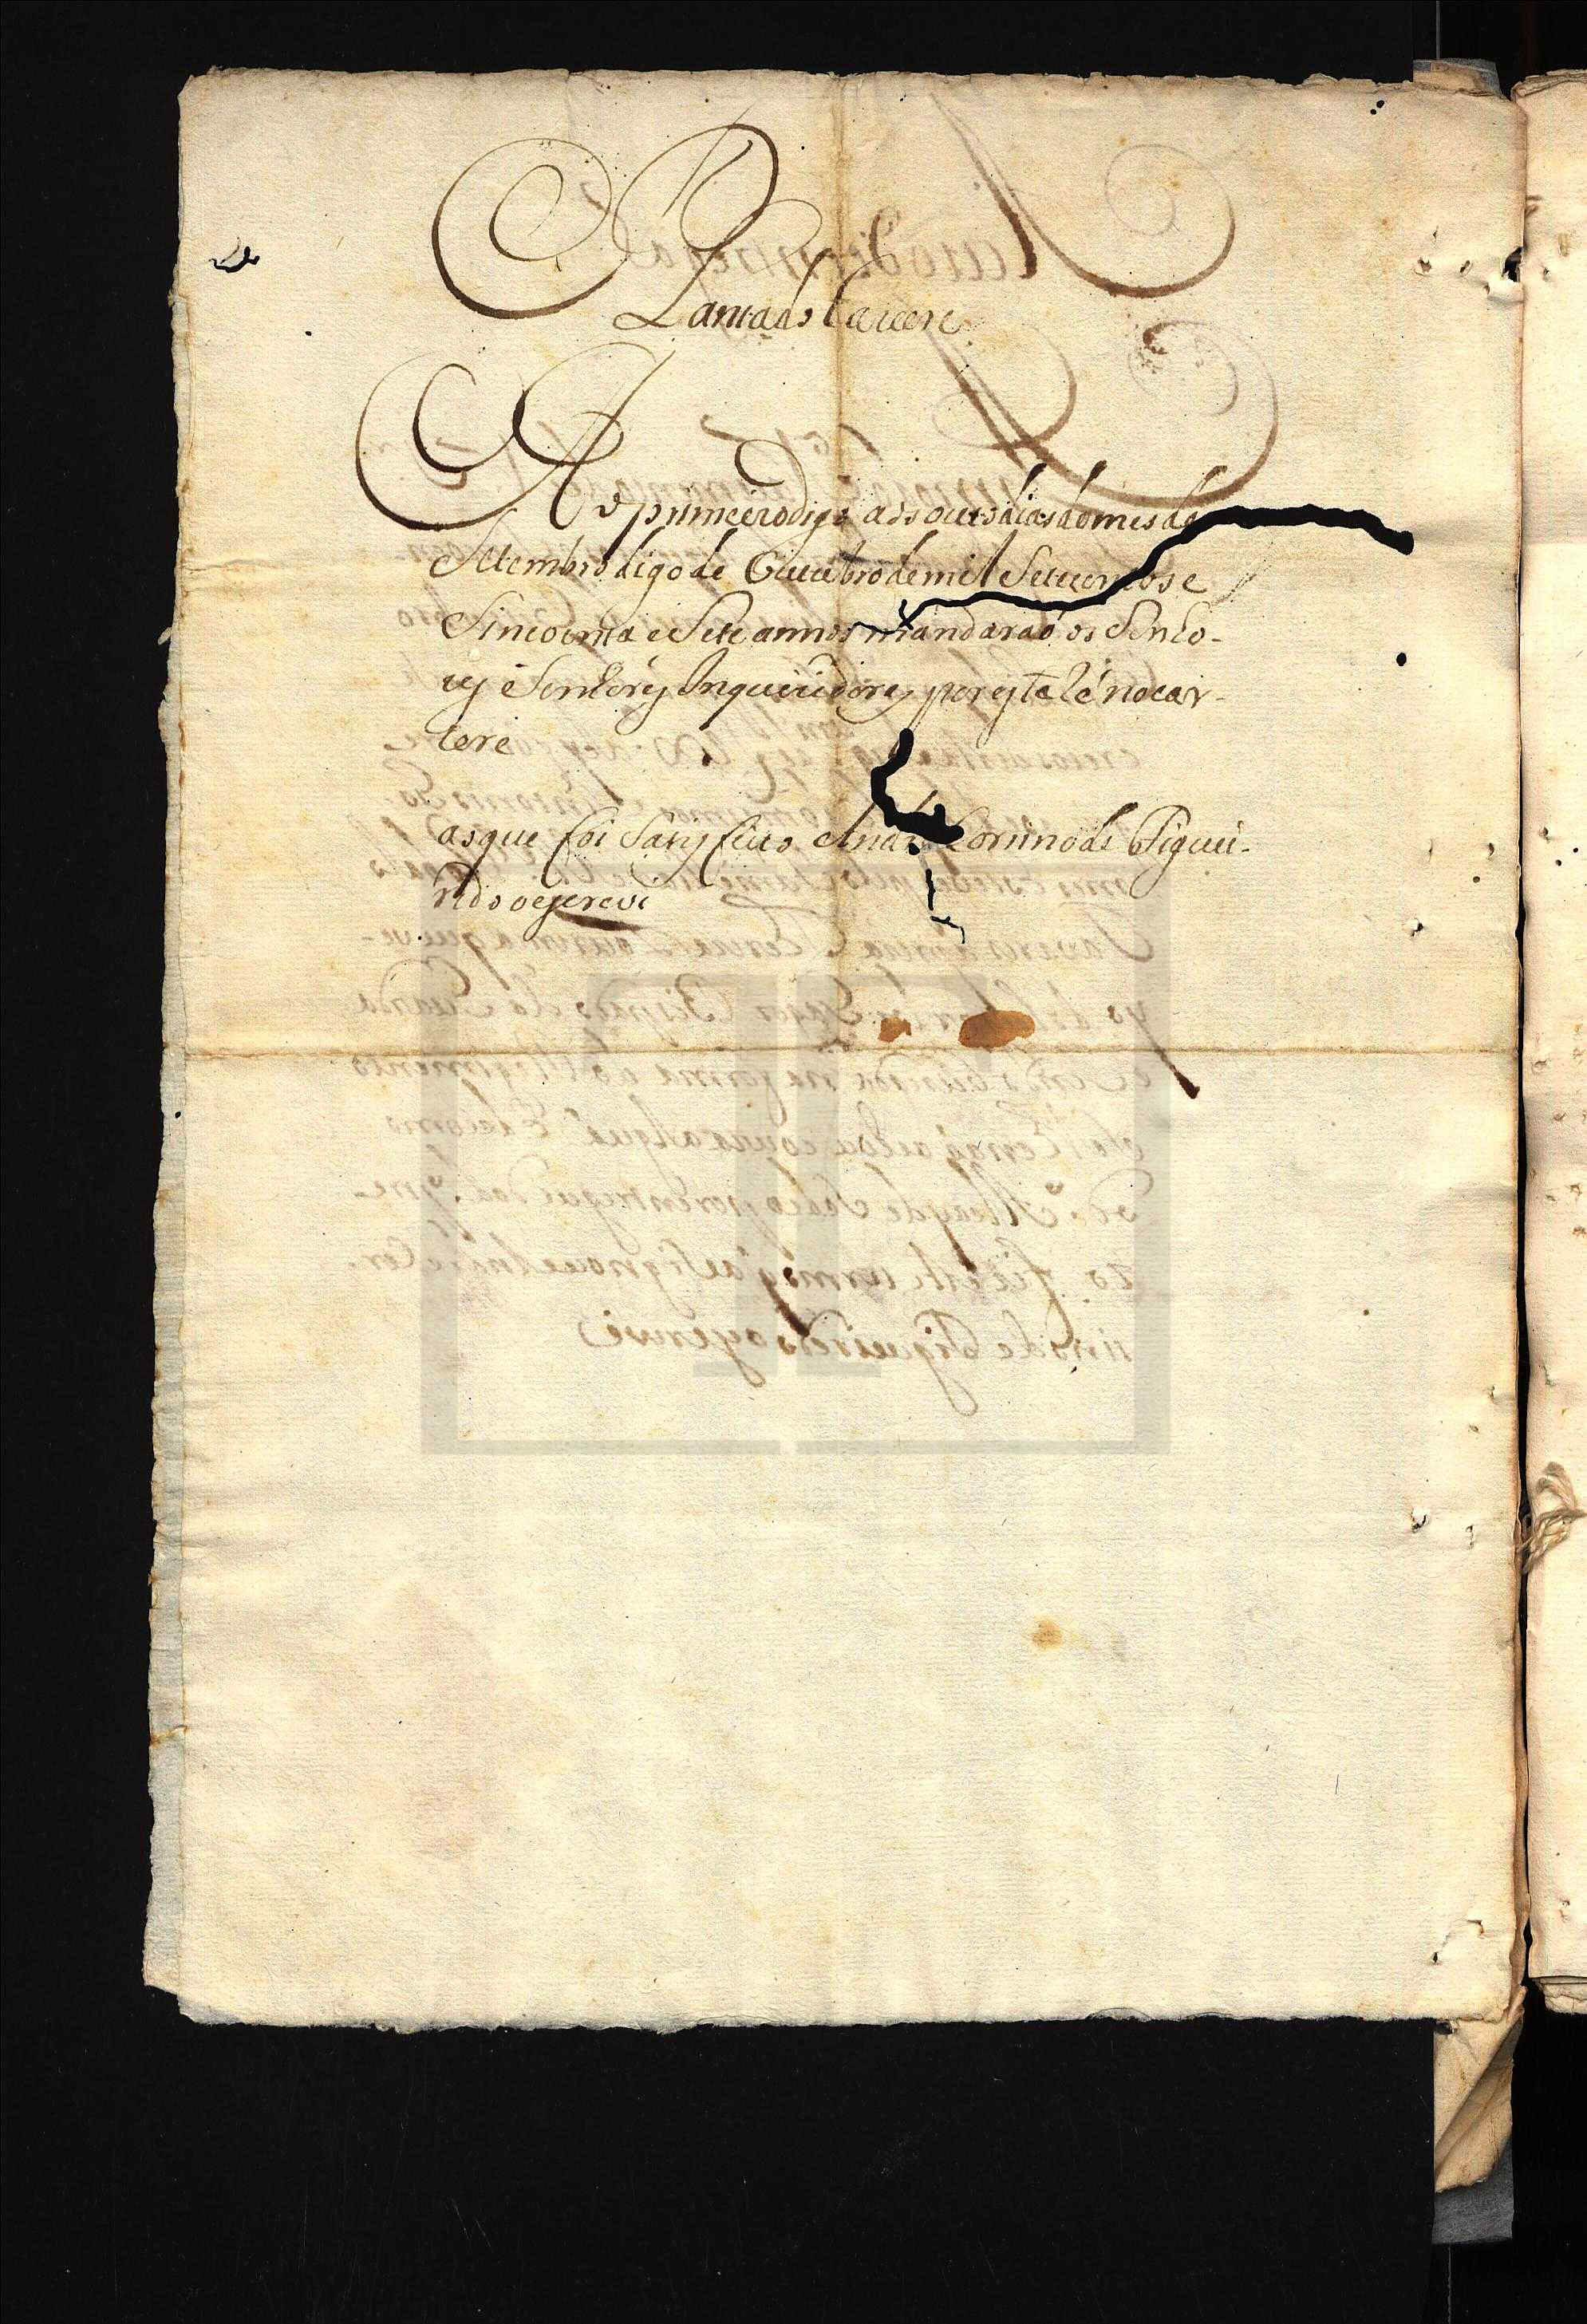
PLanta do Carcere
Ao primeiro digo aos outo dias do mes de
Setembro digo de Outubro de mil Setecen_os e
Sincoenta e Sete annos mandaraõ os Senho
res Senhores Inquizidores por esta Ré no car
cere
ao que foi Satisfeito Andre Corsino de Figuei
redo o escrevi
